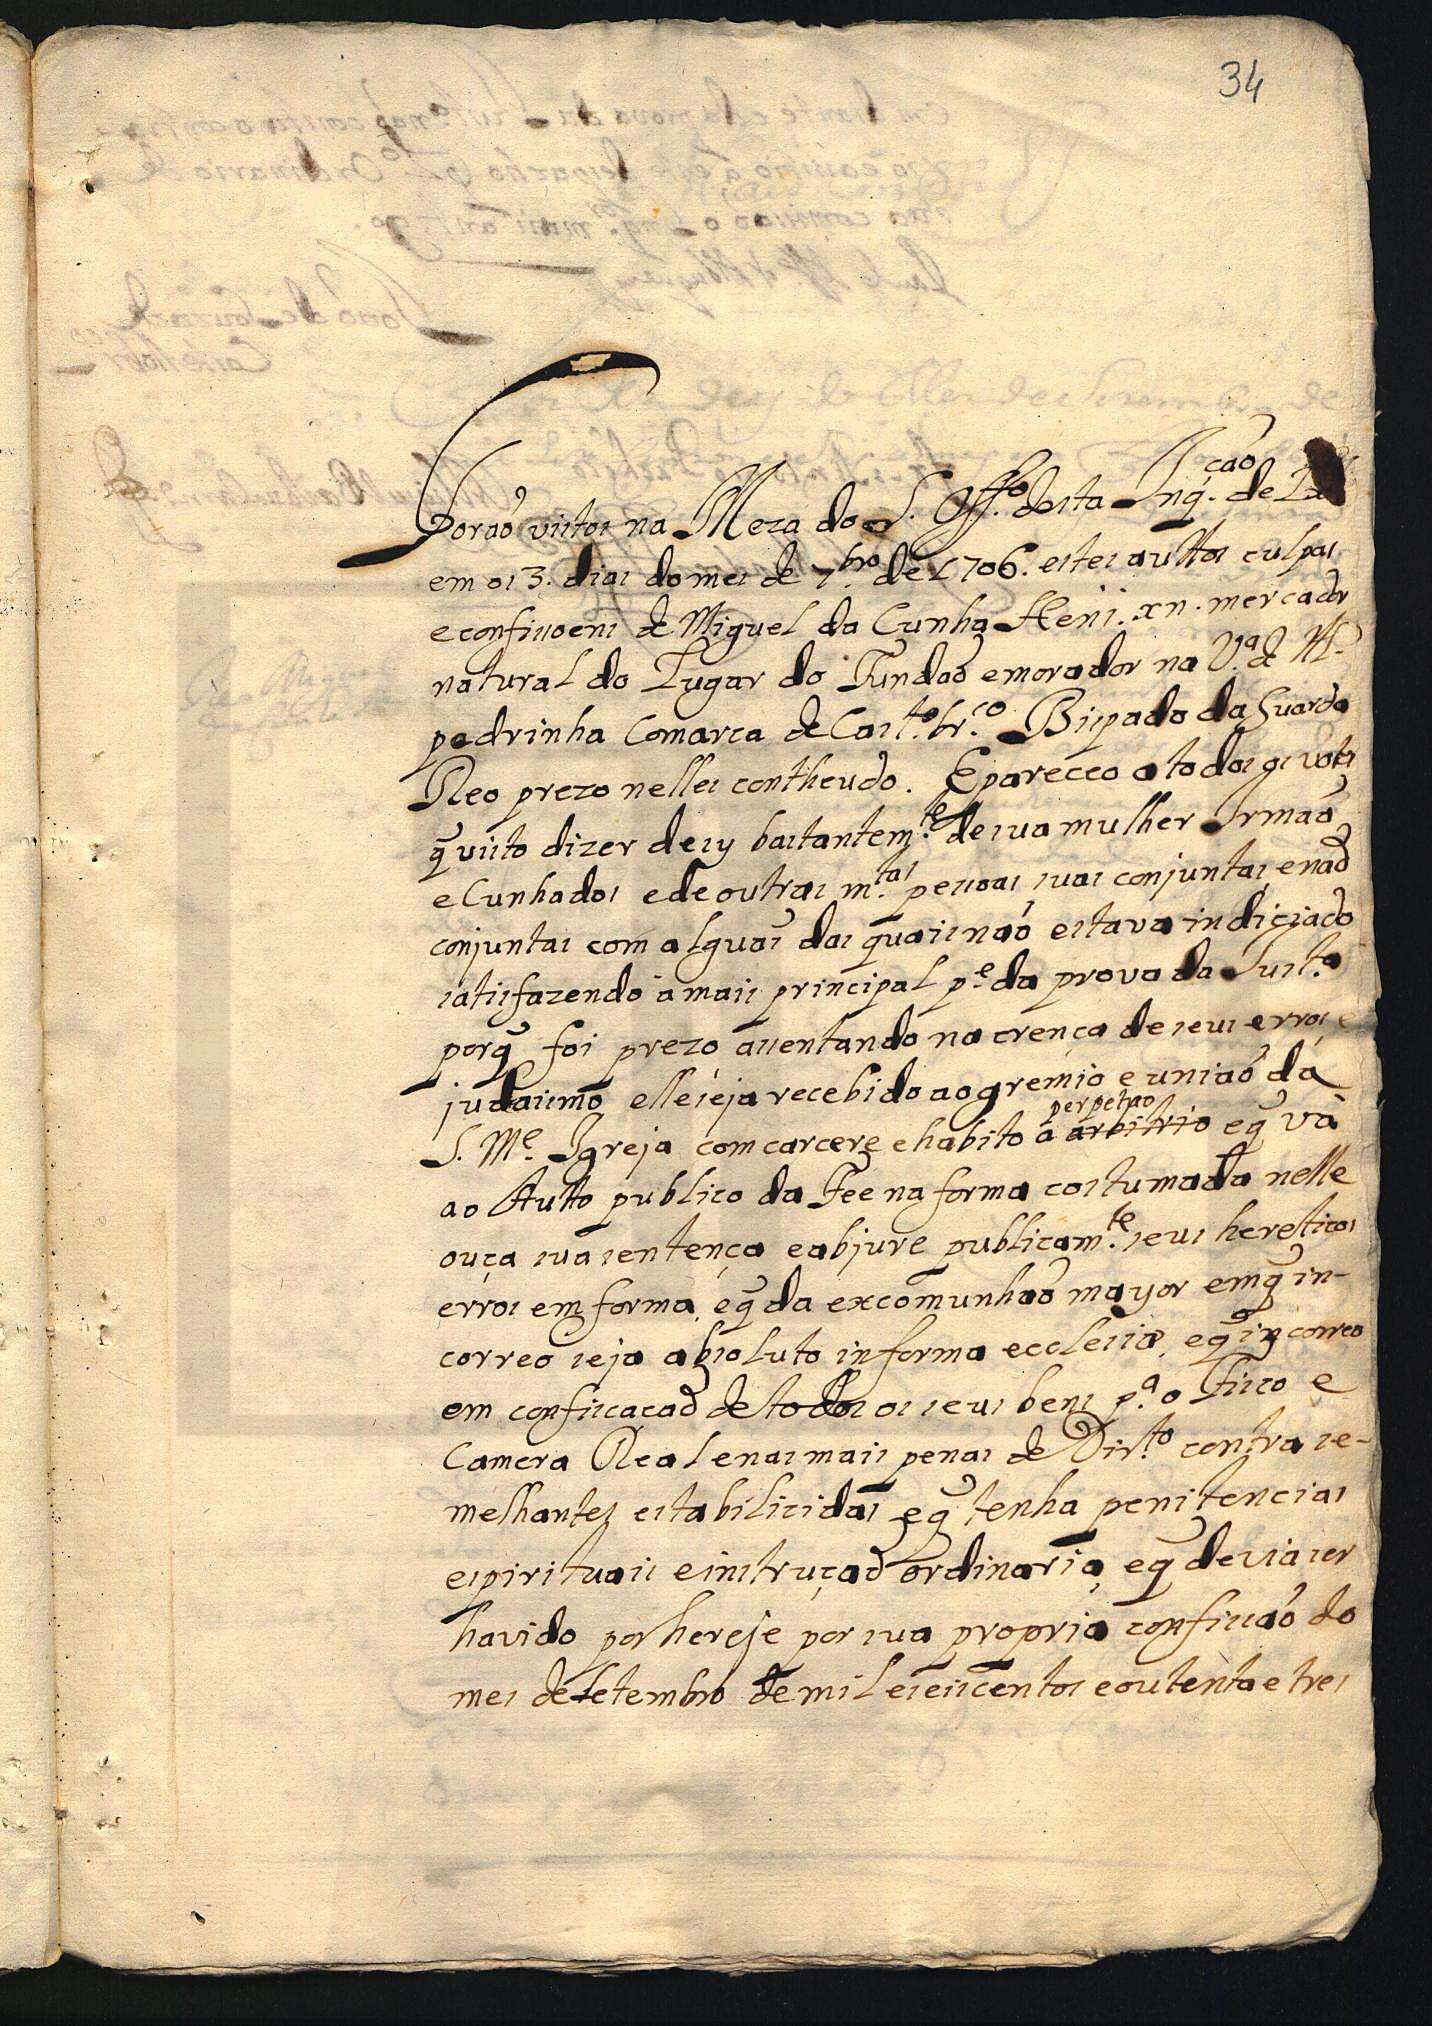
Foraõ vistos na Meza do S.o Off.o desta Inq.çaõ de Lx
em os 3. dias do mes de 7.bro de 1706. estes auttos culpas
e confissoens de Miguel da Cunha Hens̄. xn. mercador
natural do Lugar do Fundaõ e morador na V.a d Al.
pedrinha Comarca de Cast.o br.co Bispado da Guarda
Reo prezo nelles contheudo. E pareceo a todos os votos
q̄ visto dizer de sy bastantem.te de sua mulher Irmaõ
e Cunhados e de outras m.tas pessoas suas conjuntas, e naõ
conjuntas com alguas̄ dos quais naõ estava indiciado
satisfazendo à mais principal p.e da prova da Iust.a
porq̄ foi prezo assentando na crença de seus erros, e
judaismo elle seja recebido ao gremio e uniaõ da
perpetuo
S. M.e Igreja com carcere e habito a arbitrio e q̄ và
ao Autto publico da Fee na forma costumada nelle
ouça sua sentença e abjure publicam.te seus hereticos
erros em forma, e q̄ da excomunhaõ mayor em q̄ in
correo seja absoluto in forma ecclesiæ, e q̄ incorreo
em confiscaçaõ de todos os seus bens p.a o Fisco e
Camera Real e nas mais penas de Dir.to contra se
melhantes estabilicidas e q̄ tenha penitencias
espirituais, e instruçaõ ordinaria, e q̄ dezia ser
havido por hereje por sua propria confissaõ do
mes de Setembro de mil e seiscentos e outenta e tres
